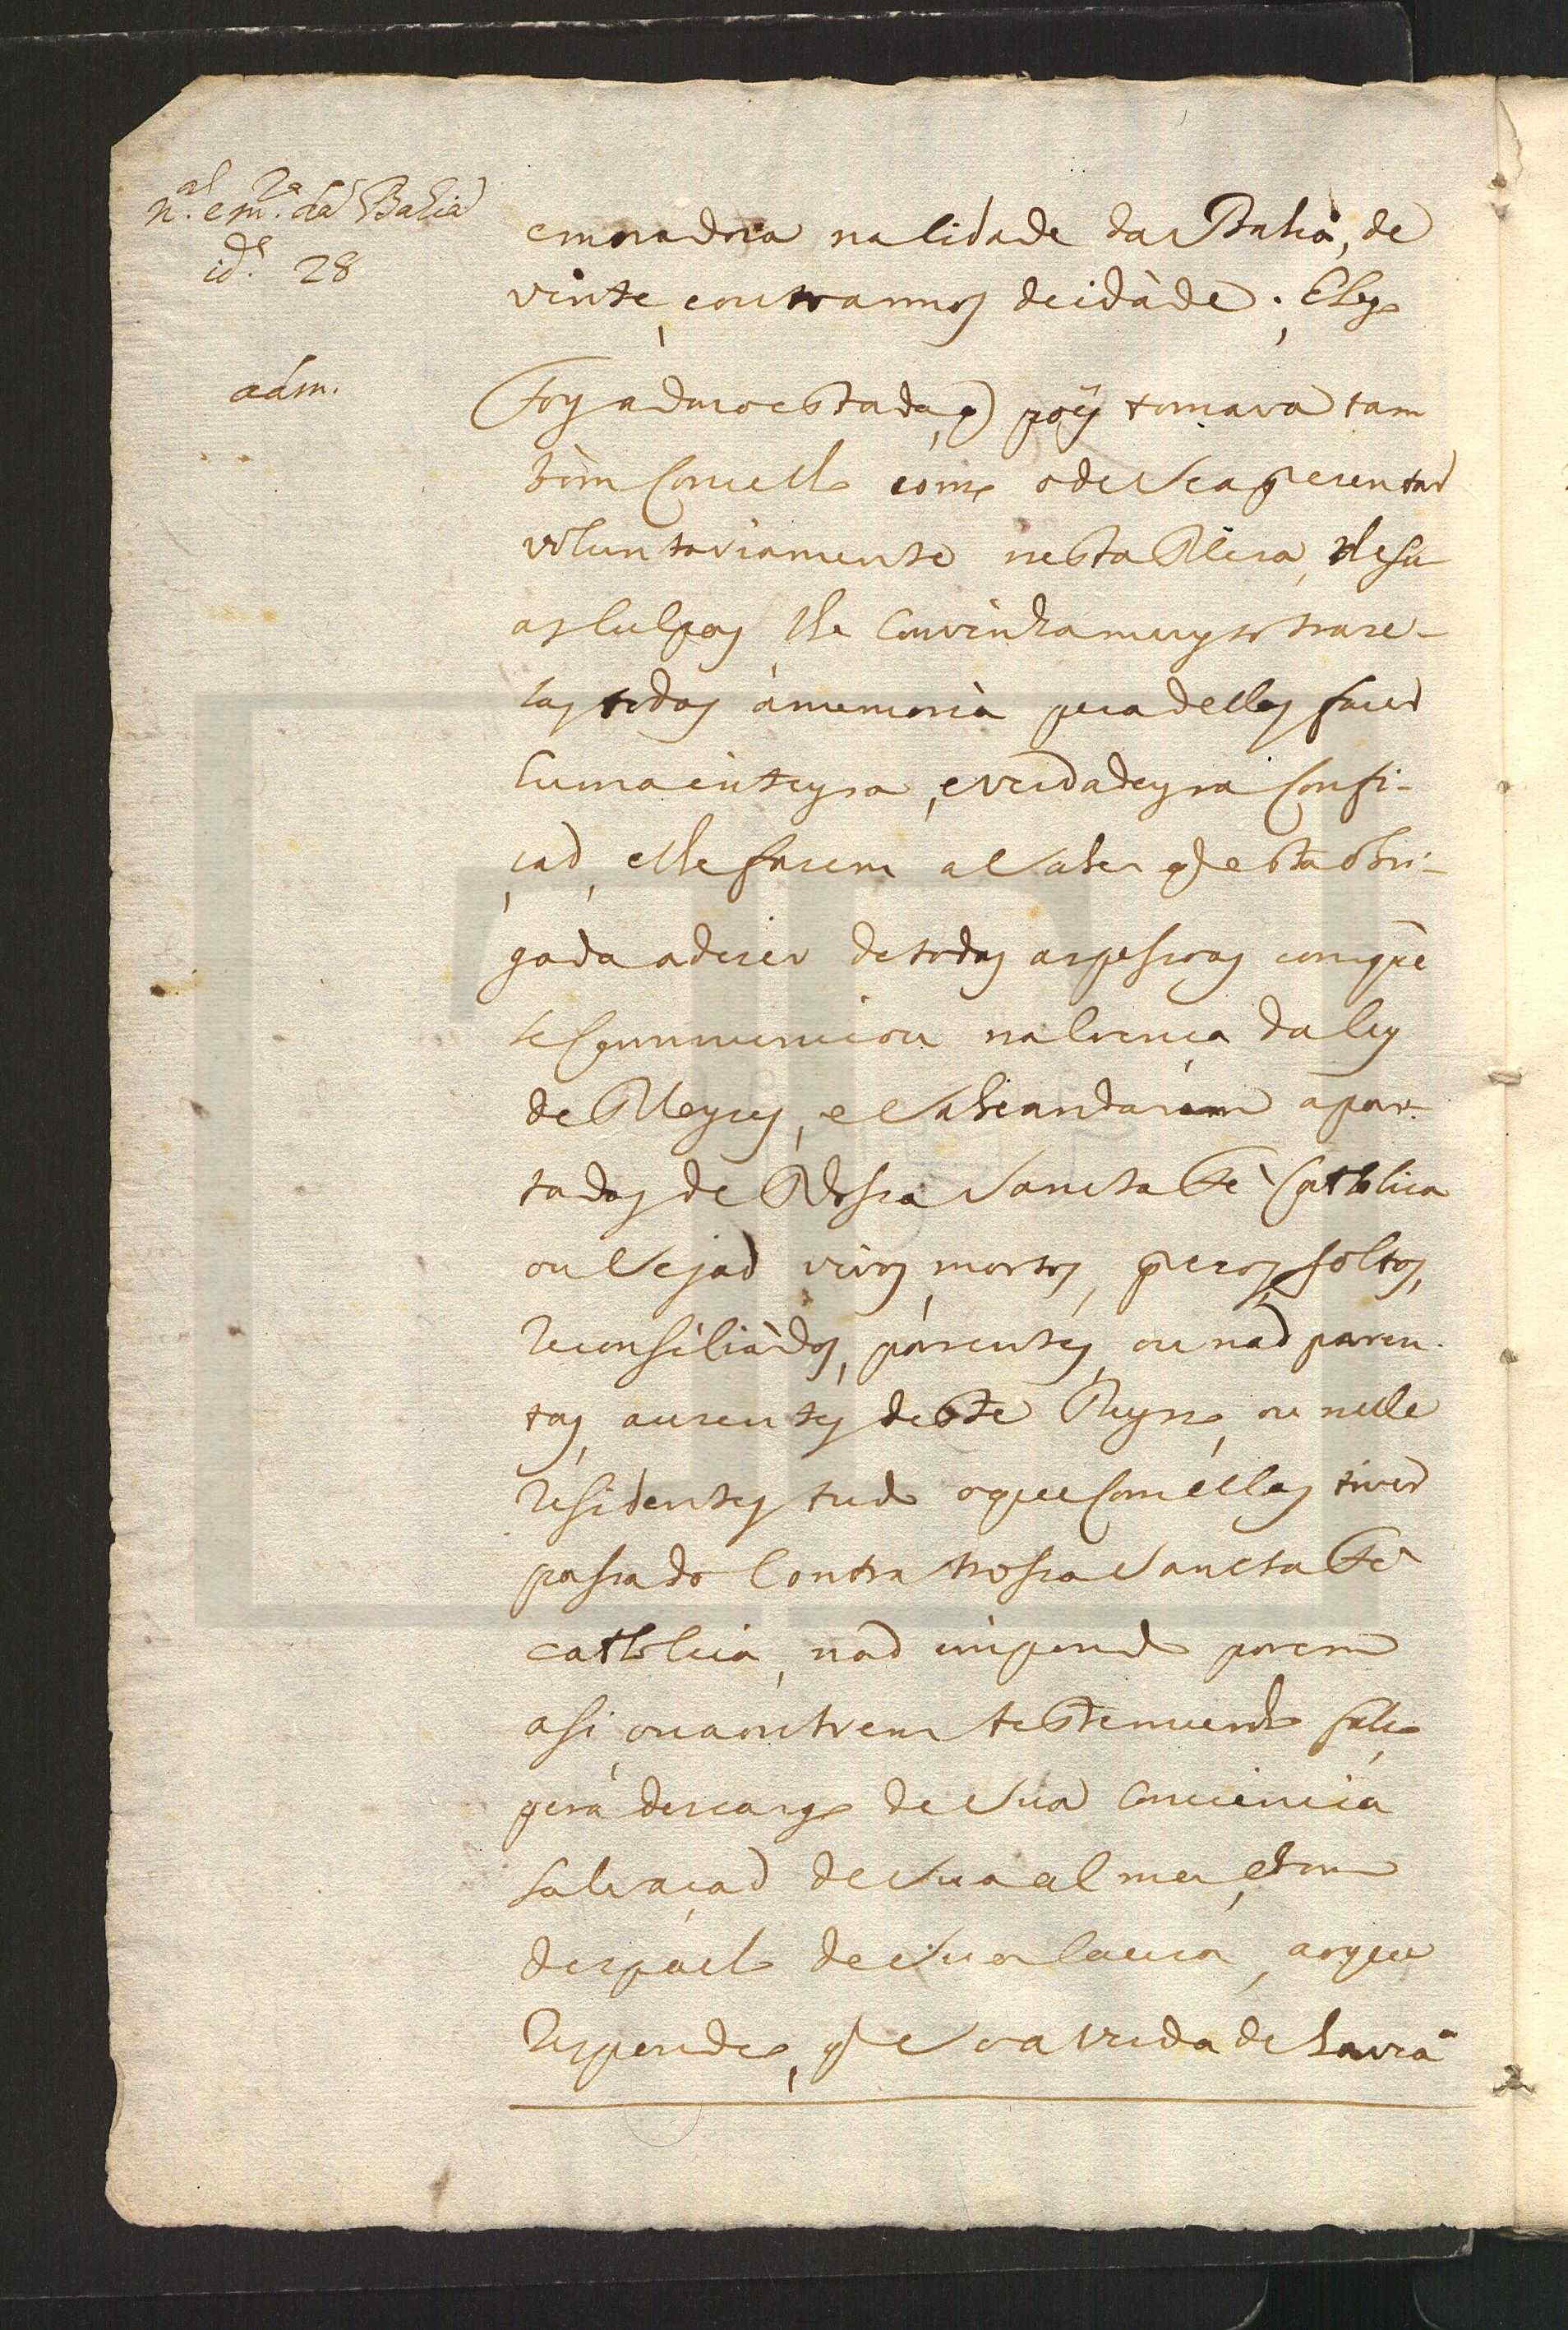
n.al e m.Ra da Bahia
id.e 28
adm.
e moradora na cidade da Bahia, de
vinte, e outo annos de idàde; E logo
Foy admoestada, q̄ poes tomava tam
bom Concelho como a de se aprezentar
voluntariamente nesta Mesa, de su
as culpas lhe convinha muyto traze
las todas á memorià pera dellas fazer
huma inteyra, e verdadeyra Confi
çaõ, e lhe fazem a saber q̄ esta obri
gada a dizer de todas as pessoas com que
se Communicou na crença da ley
de Moyzes, e sabe andaram apar
tadas de Nossa Sancta Fé Catholica
ou sejaõ vivas, mortas, prezas, soltas,
Reconsiliàdas, parentes, ou naõ paren
tas, auzentes deste Reyno, ou nelle
Residentes tudo o que Com ellas tiver
passado contra nossa sancta Fé
catholica, naõ impondo porem
a si ou a outrem testemunho falço
pera descargo de sua conciencia
salvaçaõ de sua alma, e bon
despacho de sua cauza, ao que
Respondeo, q̄ so a verdade havia
